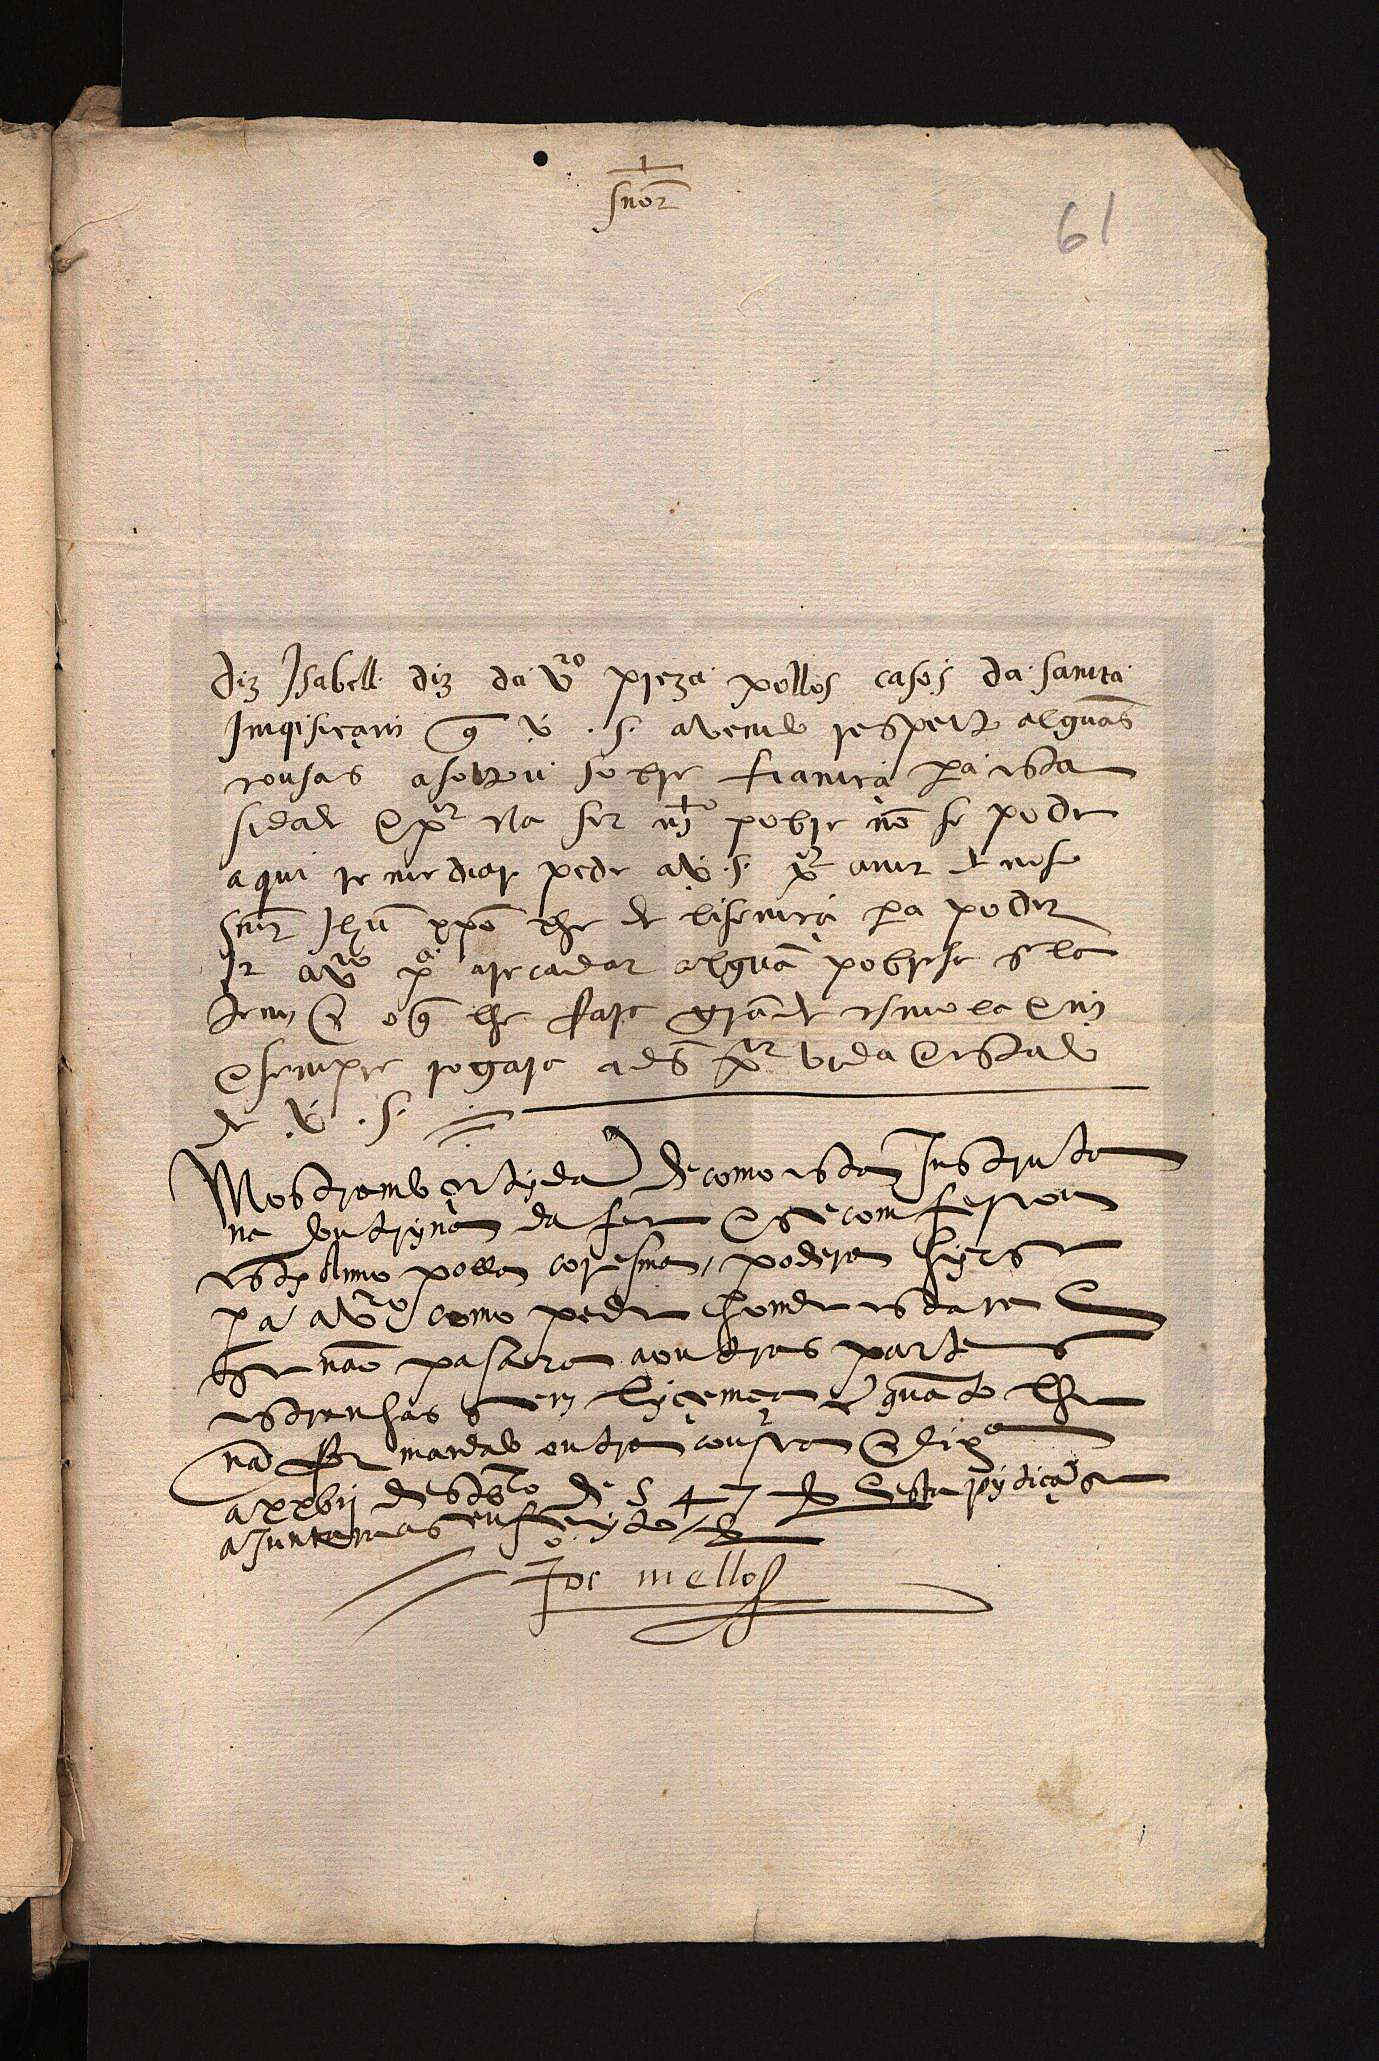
Snor̄
diz Jsabell diz davro preza pollos casos da Samta
Jmqisiçam q̄ .v. .s. avemdo respeito algūas
cousas a soltou sobre fiança ꝑa esta
sidade e por ella ser mto pobre n̄o se pode
aqui remediar pede a V. s. por amor de noso
snōr Jhū xp̄o lhe de lisemça ꝑa poder
Jr avro pa arecadar alguā pobresa se la
tem ē o q̄ lhe fara grāde esmola e .m.
e sempre rogara a ds̄ por vida e estado
de .V .s.
Mostramdo certydā de como esta Jnstruta
na doutryna da fee e se comfesou
este Anno polla coresma, podera hyrse
ꝑa avro como pede homde estara e
se não pasara a outras partes
estranhas sem lycemça ēquato lhe
nā for mandado outra cousa ē lixa
e esta pytiçā se
a xxbij de stbro de 547
aJuntara a seu feyto /
J de mello
